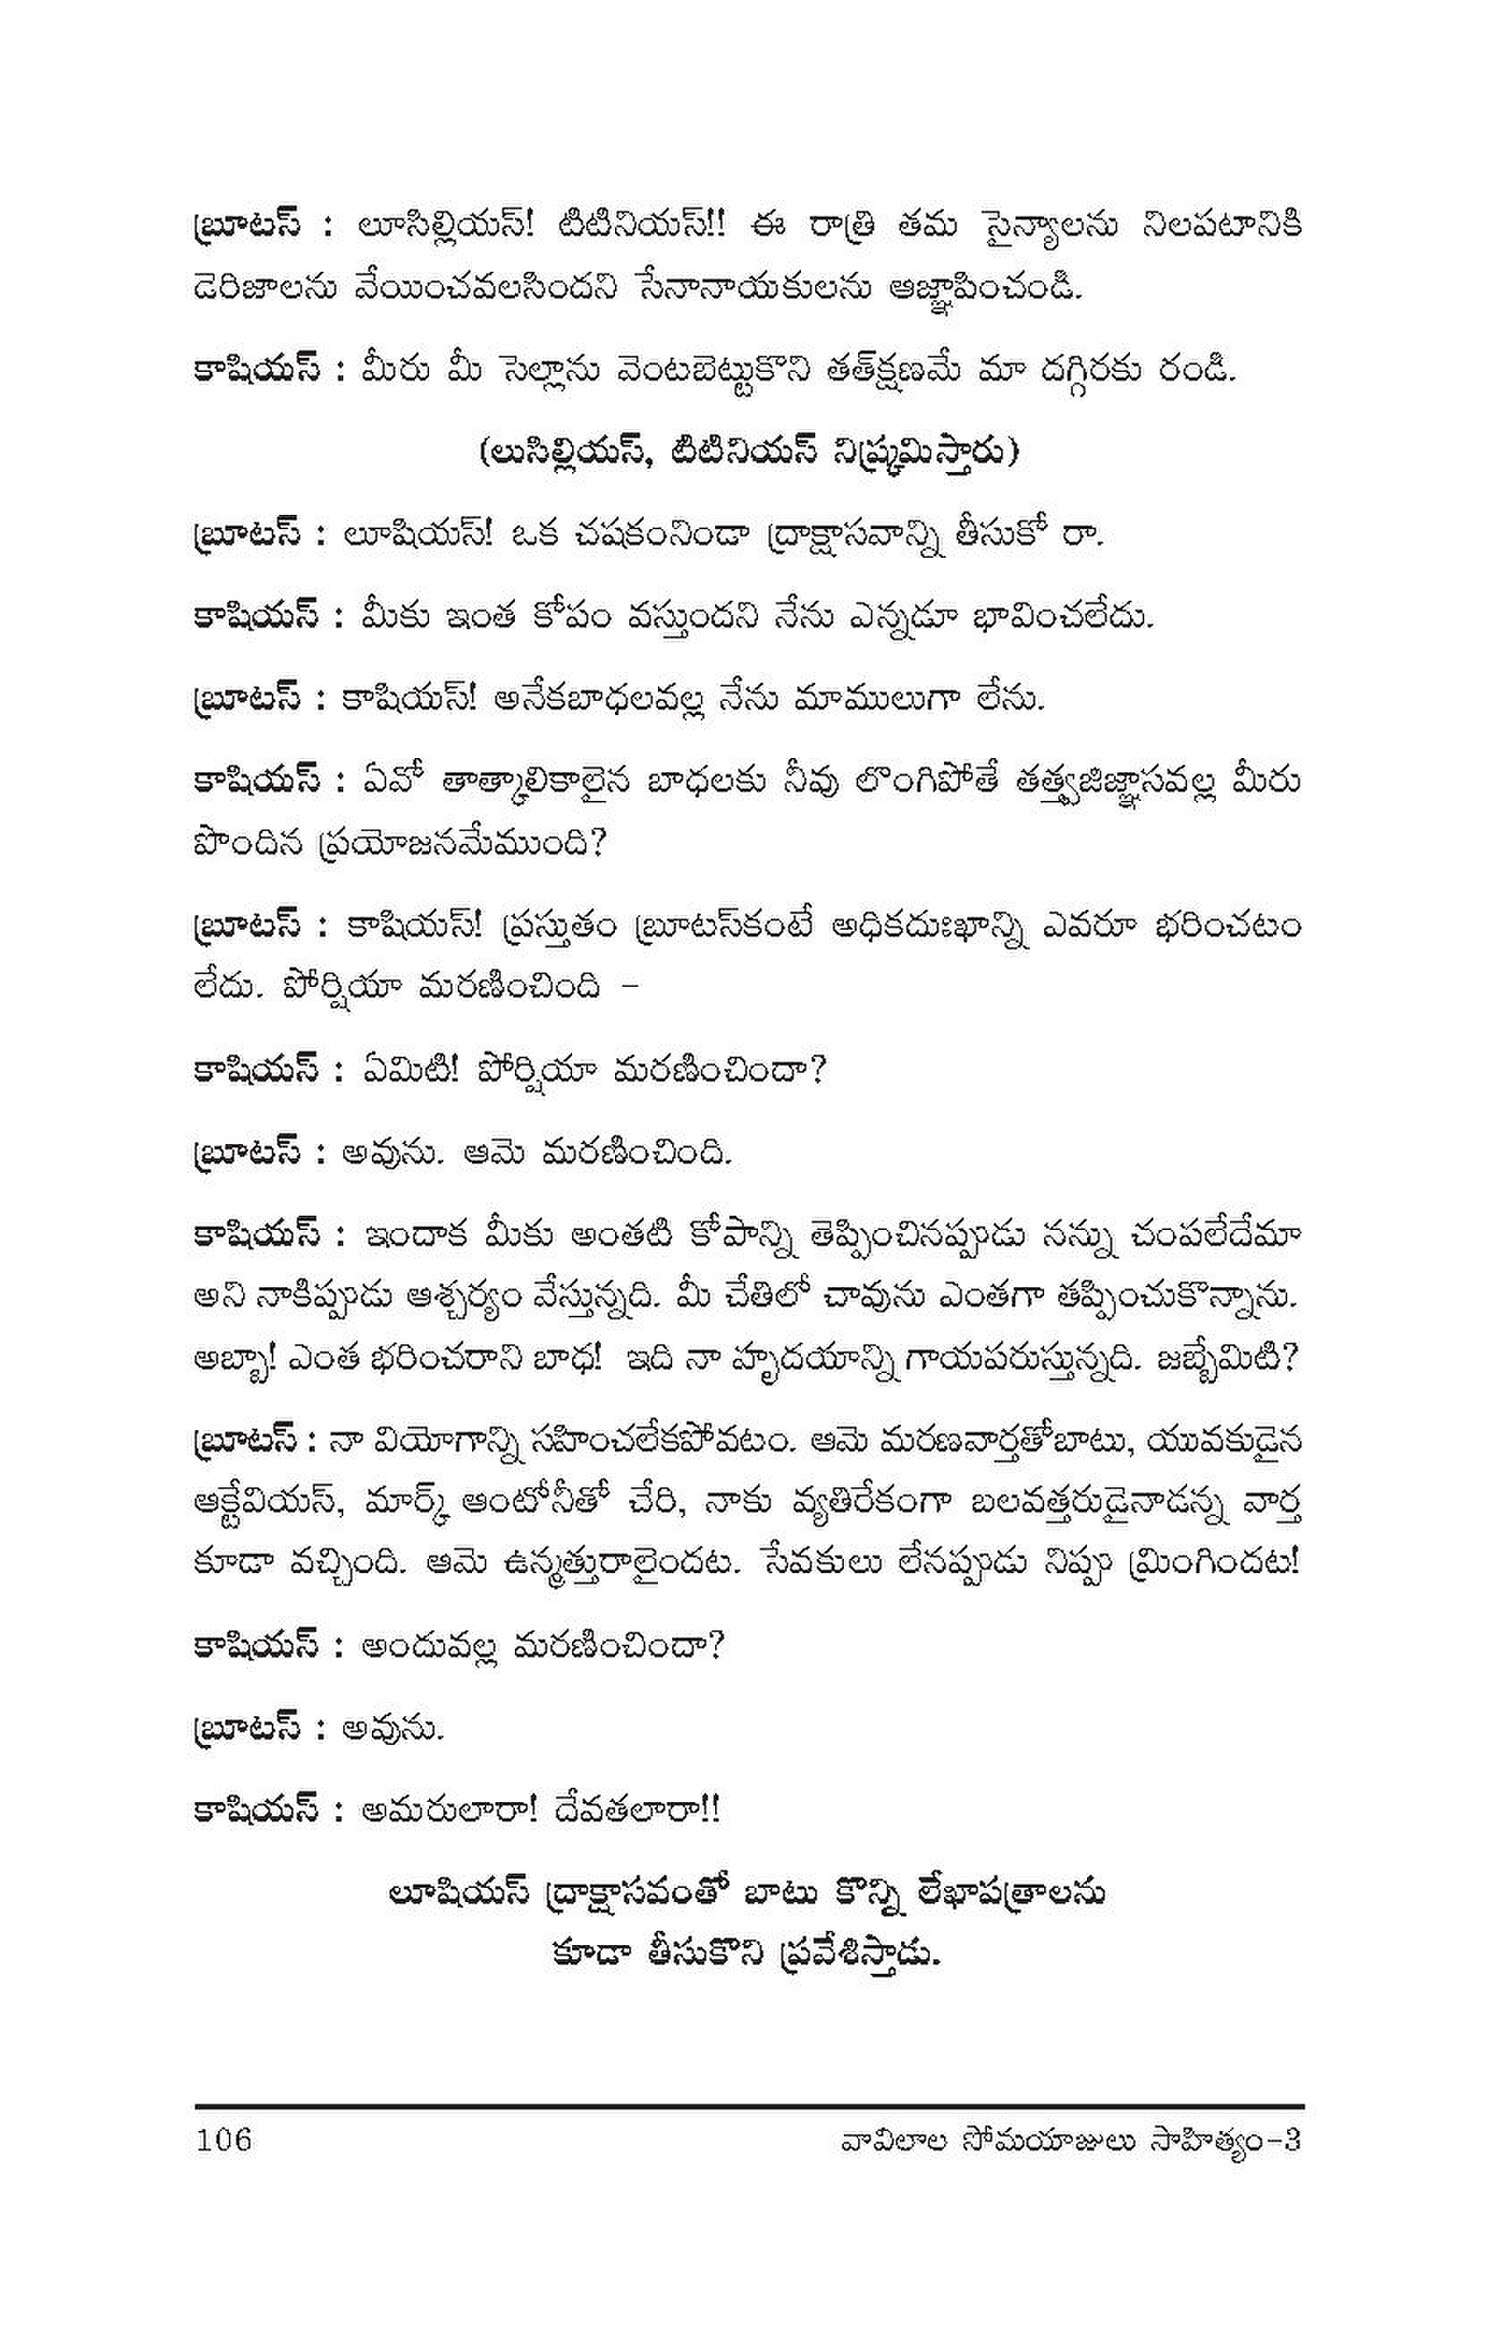బ్రూటస్ : లూసిల్లియస్! టిటినియస్!! ఈ రాత్రి తమ సైన్యాలను నిలపటానికి డెరిజాలను వేయించవలసిందని సేనానాయకులను ఆజ్ఞాపించండి.

కాషియస్ : మీరు మీ సెల్లాను వెంటబెట్టుకొని తత్ క్షణమే మా దగ్గరకు రండి.

బ్రూటస్ : లూషియస్! ఒక చషకంనిండా ద్రాక్షాసవాన్ని తీసుకో రా.

కాషియస్ : మీకు ఇంత కోపం వస్తుందని నేను ఎన్నడూ భావించలేదు.

బ్రూటస్ : కాషియస్! అనేకబాధలవల్ల నేను మాములుగా లేను.

కాషియస్ : ఏవో తాత్కాలికాలైన బాధలకు నీవు లొంగిపోతే తత్త్వజిజ్ఞాసవల్ల మీరు పొందిన ప్రయోజనమేముంది?

బ్రూటస్ : కాషియస్! ప్రస్తుతం బ్రూటస్ కంటే అధికదుఃఖాన్ని ఎవరూ భరించటం లేదు. పోర్షియా మరణించింది 

కాషియస్ : ఏమిటి! పోర్షియా మరణించిందా?

బ్రూటస్ : అవును. ఆమె మరణించింది.

కాషియస్ : ఇందాక మీకు అంతటి కోపాన్ని తెప్పించినప్పుడు నన్ను చంపలేదేమా అని నాకిప్పుడు ఆశ్చర్యం వేస్తున్నది. మీ చేతిలో చావును ఎంతగా తప్పించుకొన్నాను. అబ్బా! ఎంత భరించరాని బాధ! ఇది నా హృదయాన్ని గాయపరుస్తున్నది. జబ్బేమిటి?

బ్రూటస్ : నా వియోగాన్ని సహించలేకపోవటం. ఆమె మరణవార్తతోబాటు, యువకుడైన ఆక్టేవియస్, మార్క్ ఆంటోనీతో చేరి, నాకు వ్యతిరేకంగా బలవత్తరుడైనాడన్న వార్త కూడా వచ్చింది. ఆమె ఉన్మత్తురాలైందట. సేవకులు లేనప్పుడు నిప్పు మ్రింగిందట!

కాషియస్ : అందువల్ల మరణించిందా?

బ్రూటస్ : అవును.

కాషియస్ : అమరులారా! దేవతలారా!!